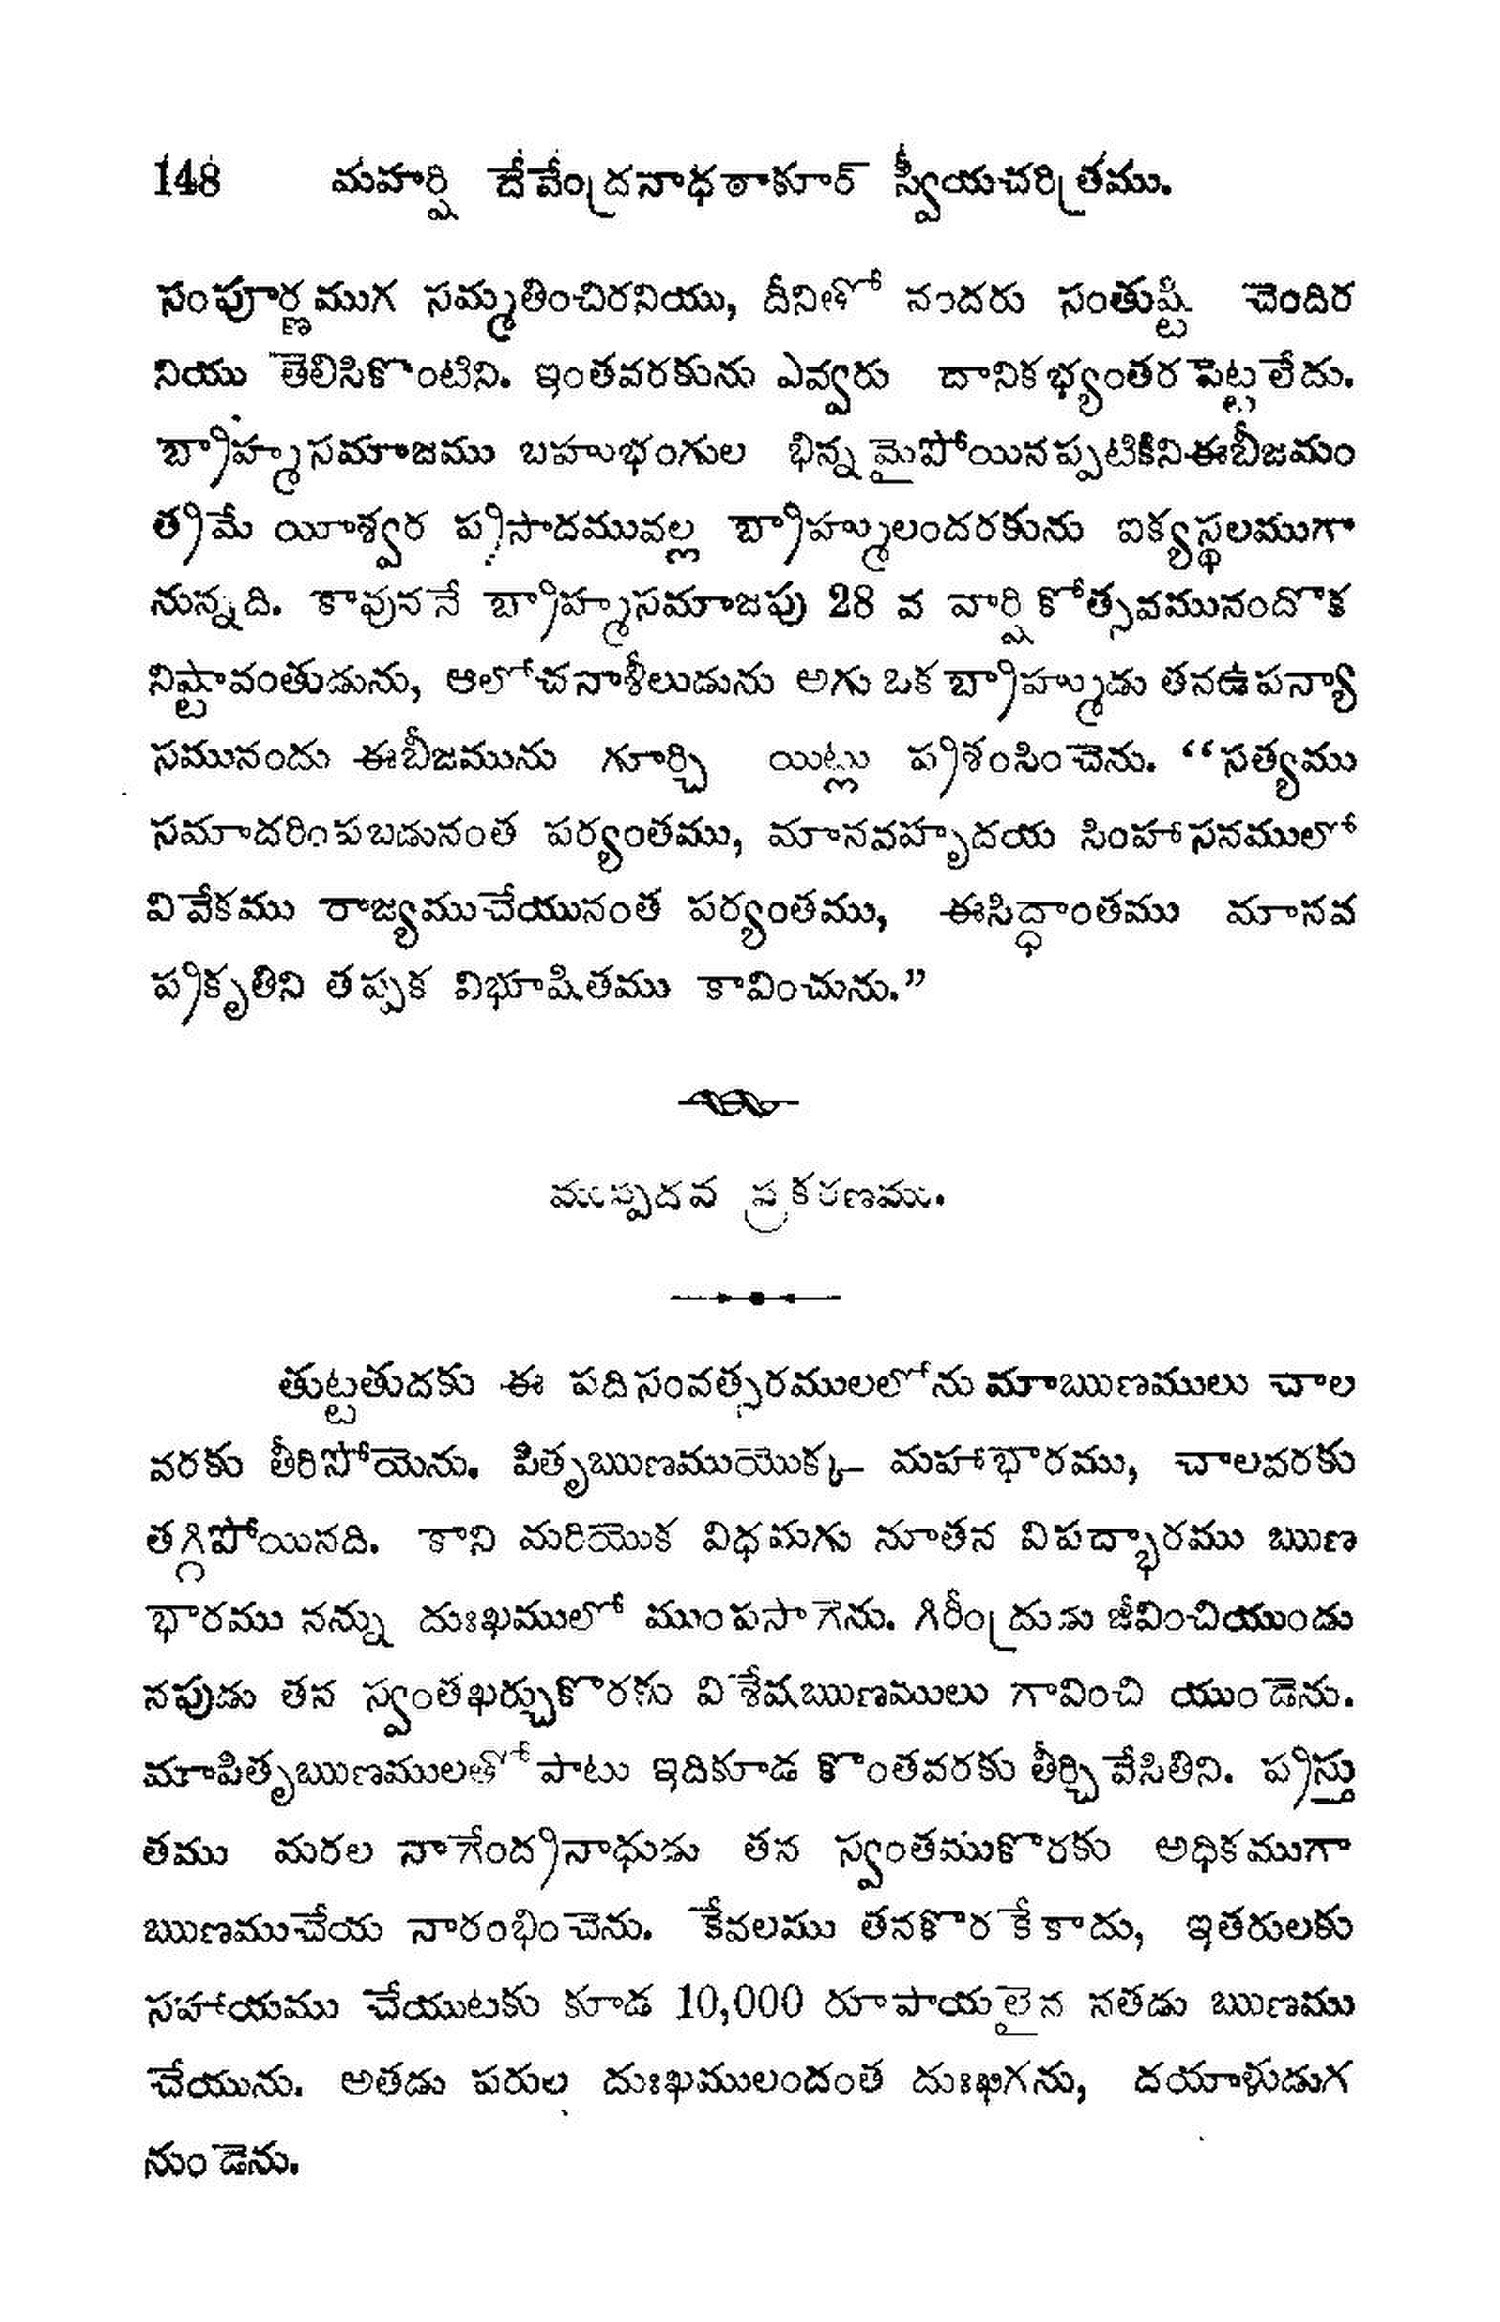సంపూర్ణముగ సమ్మతించిరనియు, దీనిలో నందరు సంతుష్టి.చెందిర
నియు తెలిసికొంటిని. ఇంతవరకును ఎవ్వరు దానిక భ్యంతర పెట్ట లేదు.
బ్రాహ్మ సమాజము బహుభంగుల భిన్న మైపోయినప్పటికిని ఈ బీజమం
త్రమే ఈశ్వర ప్రసాదమువల్ల బ్రాహ్ములందరకును ఐక్యస్థలముగా
నున్నది. కావుననే బ్రాహ్మసమాజపు 28 వ వార్షికోత్సవము నందొక
నిష్టావంతుడును, ఆలోచనా శీలుడును అగు ఒక బ్రాహ్ముడు తన ఉపన్యా
సమునందు ఈ బీజమును గూర్చి యిట్లు ప్రశంసించెను. “ సత్యము
సమాదరింపబడునంత పర్యంతము, మానవహృదయ సింహాసనములో
వివేకము రాజ్యము చేయునంత పర్యంతము, ఈసిద్ధాంతము మానవ
ప్రకృతిని తప్పక విభూషితము కావించును.”

తుట్టతుదకు ఈ పది సంవత్సరముల లోను మాఋణములు చాల
వరకు తీరిపోయెను. పితృఋణము యొక్క మహాభారము, చాలవరకు
తగ్గిపోయినది. కాని మరియొక విధమగు నూతన విపద్భారము ఋణ
భారము నన్ను దుఃఖములో ముంపసాగెను. గిరీంద్రును జీవించి యుండు
సపుడు తన స్వంత ఖర్చుకొరకు విశేష ఋణములు గావించి యుండెను.
మాపితృ ఋణములతో పాటు ఇదికూడ కొంతవరకు తీర్చి వేసితిని. ప్రస్తు
తము మరల నాగేంద్ర నాధుడు తన స్వంతము కొరకు అధికముగా
ఋణముచేయ నారంభించెను. కేవలము తనకొర కే కాదు, ఇతరులకు
సహాయము చేయుటకు కూడ 10,000 రూపాయలైన నతడు ఋణము
చేయును. అతడు పరుల దుఃఖములందంత దుఃఖిగను, దయాళుడుగ
నుండెను.